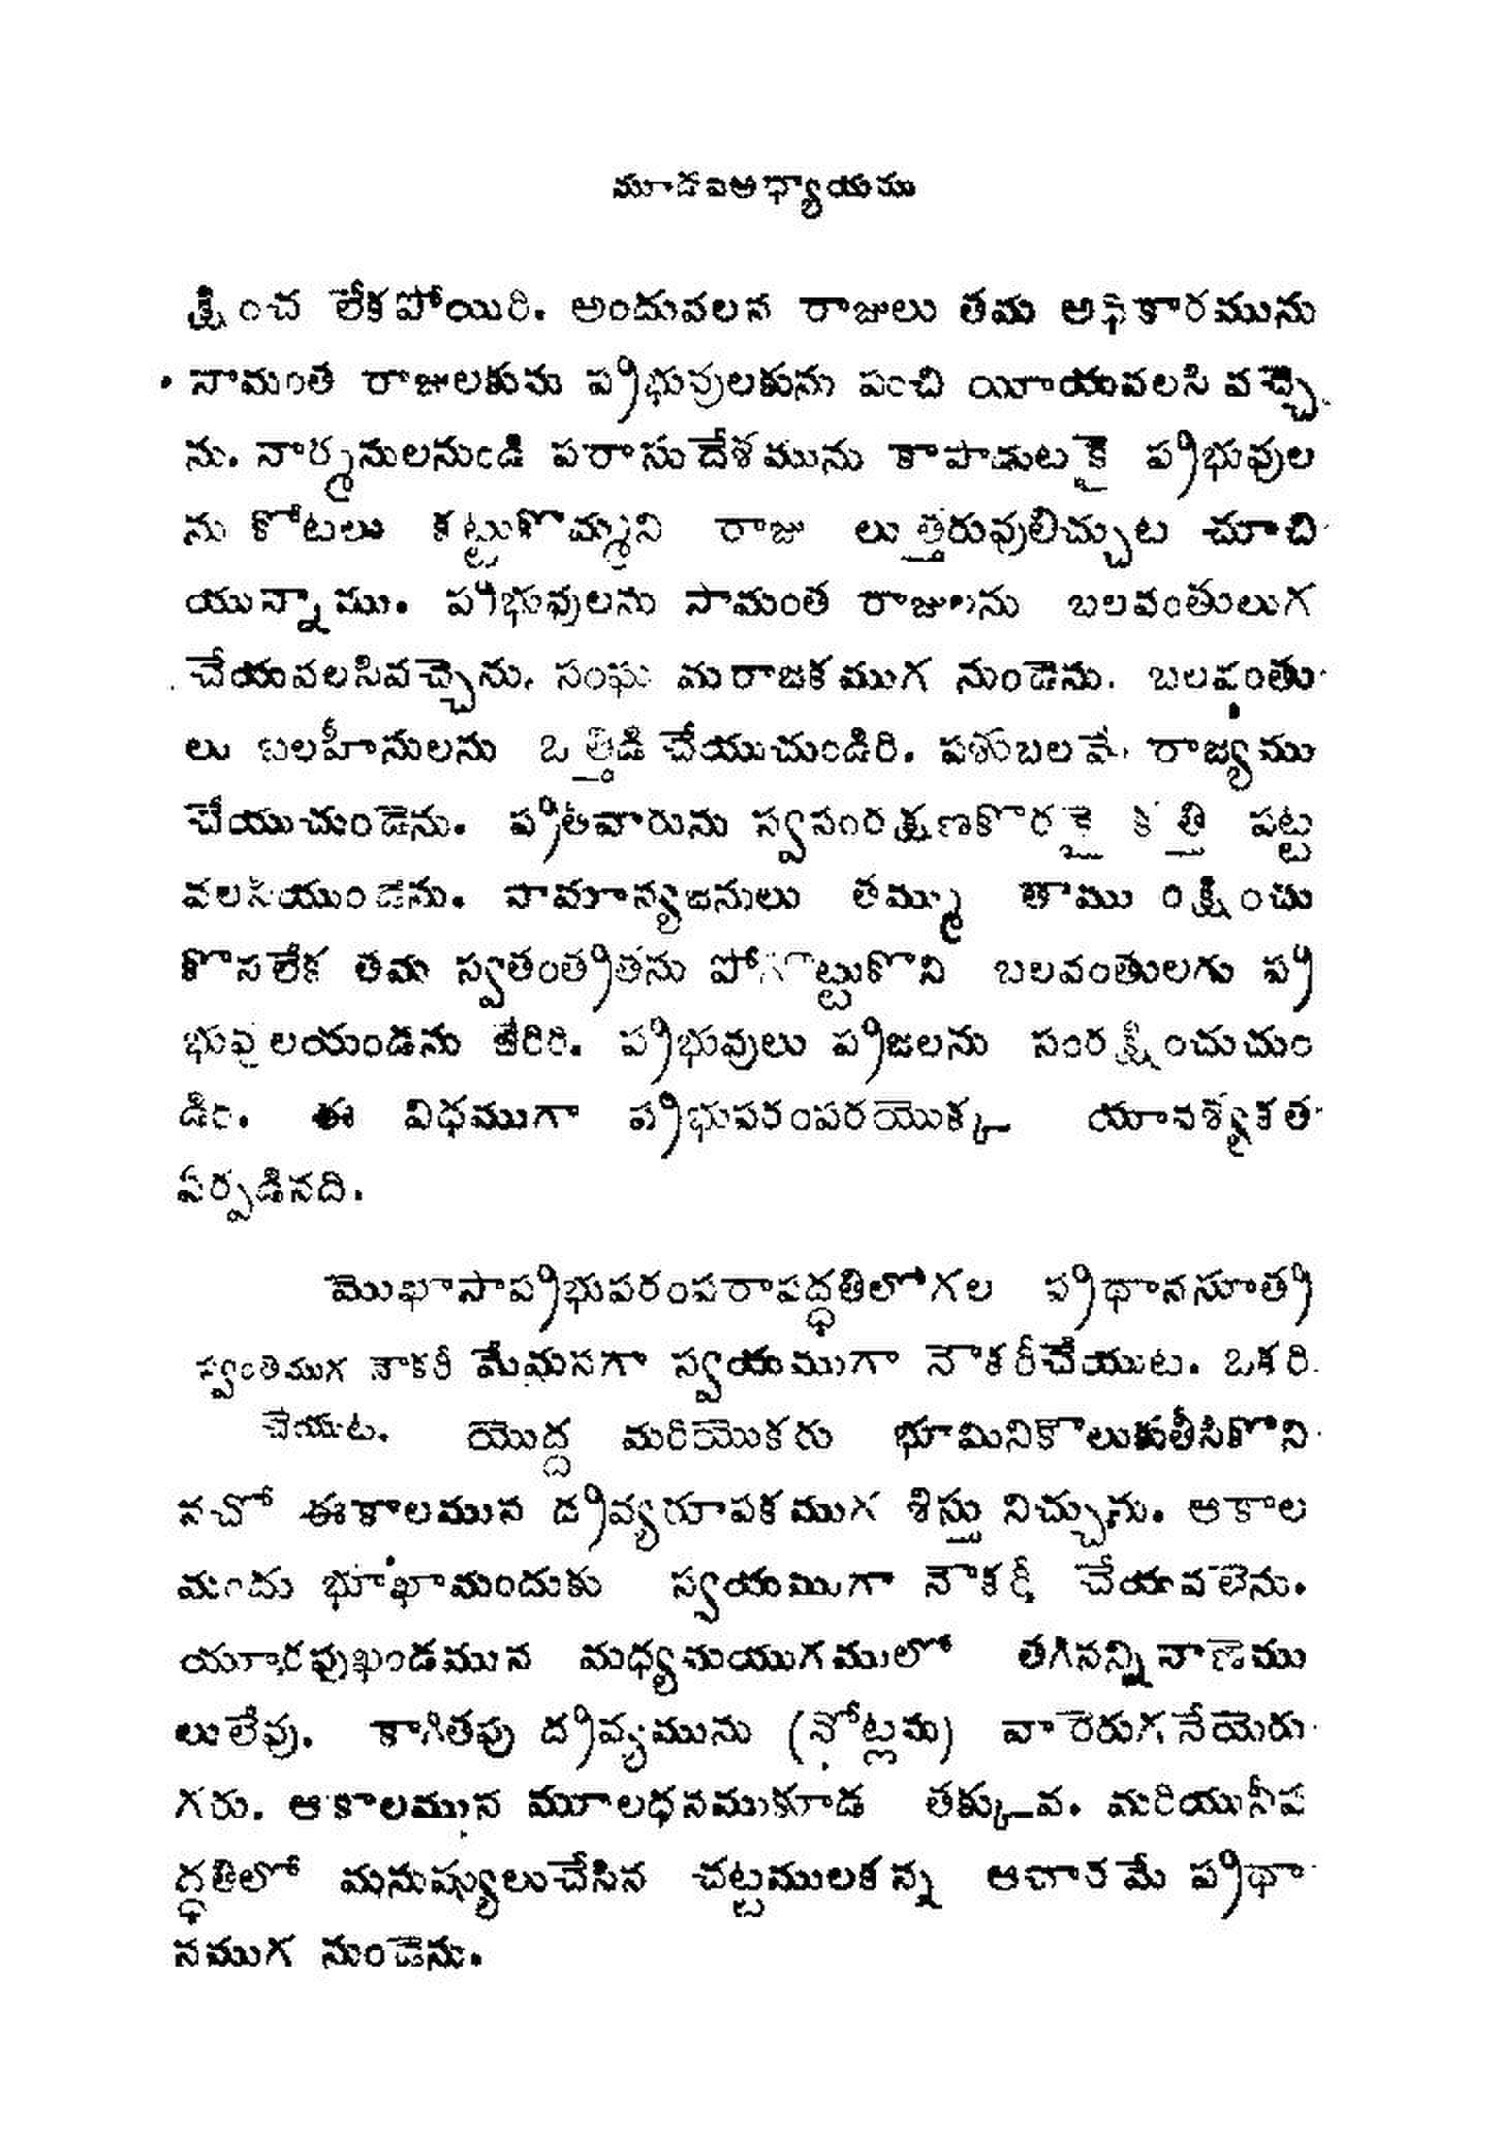క్షించ లేక పోయిరి. అందువలన రాజులు తమ అధికారమును
సామంత రాజులకును ప్రభువులకును పంచి యీయవలసి వచ్చెను,
నార్మనులనుండి పరాసు దేశ మును కాపాడుటకై ప్రభువుల
ను కోటలు కట్టుకొమ్మని రాజు లు తరువులిచ్చుట చూచి
యున్నాము. ప్రభువులను సామంత రాజును బలవంతులుగ
చేయవలసివచ్చెను. సంఘ: మరాజకముగ నుండెను. బలవంతు'
లు బలహీనులను ఒత్తిడి చేయుచుండిరి. పశుబలమే. రాజ్యము
చేయుచుండెను. ప్రతివారును స్వసంరక్షణ కొరకై కత్తి పట్ట
వలసి యుండెను. సామాన్య జనులు తమ్ము తాము రక్షించు
కొన లేక తమ స్వతంత్రతను పోగొట్టుకొని బలవంతులగు ప్ర
భువు లయండను జేరిరి. ప్రభువులు ప్రజలను సంరక్షించుచుండిరి.
ఈ విధముగా ప్రభుపరంపర యొక్క యావశ్యకత ఏర్పడినది.

మఖాసాప్రభు పరంపరాపధ్ధతిలోగల ప్రధాన సూత్ర
మేమసగా స్వయముగా నౌకరీ చేయుట. ఒకరి యొద్ద మరియొకరు
భూమిని కౌలుకుతీసికొనినచో ఈకాలమున ద్రవ్య రూపకముగ శిస్తు నిచ్చును. అకాల
మందు భూఖామందుకు స్వయముగా నౌకరీ చేయవలెను.
యూరఫుఖండమున మధ్య మ యుగములో తగినన్ని నాణెము
లు లేవు. కాగితపు దవ్యమును (నోట్లను) వా రెరుగ నేయెగరు. ఆ కాలమున మూలధనము కూడ తక్కువ. మరియు నీపద్ధతిలో
మనుష్యులు చేసిన చట్టములకన్న అచారమే ప్రధా
నముగ నుండెను.